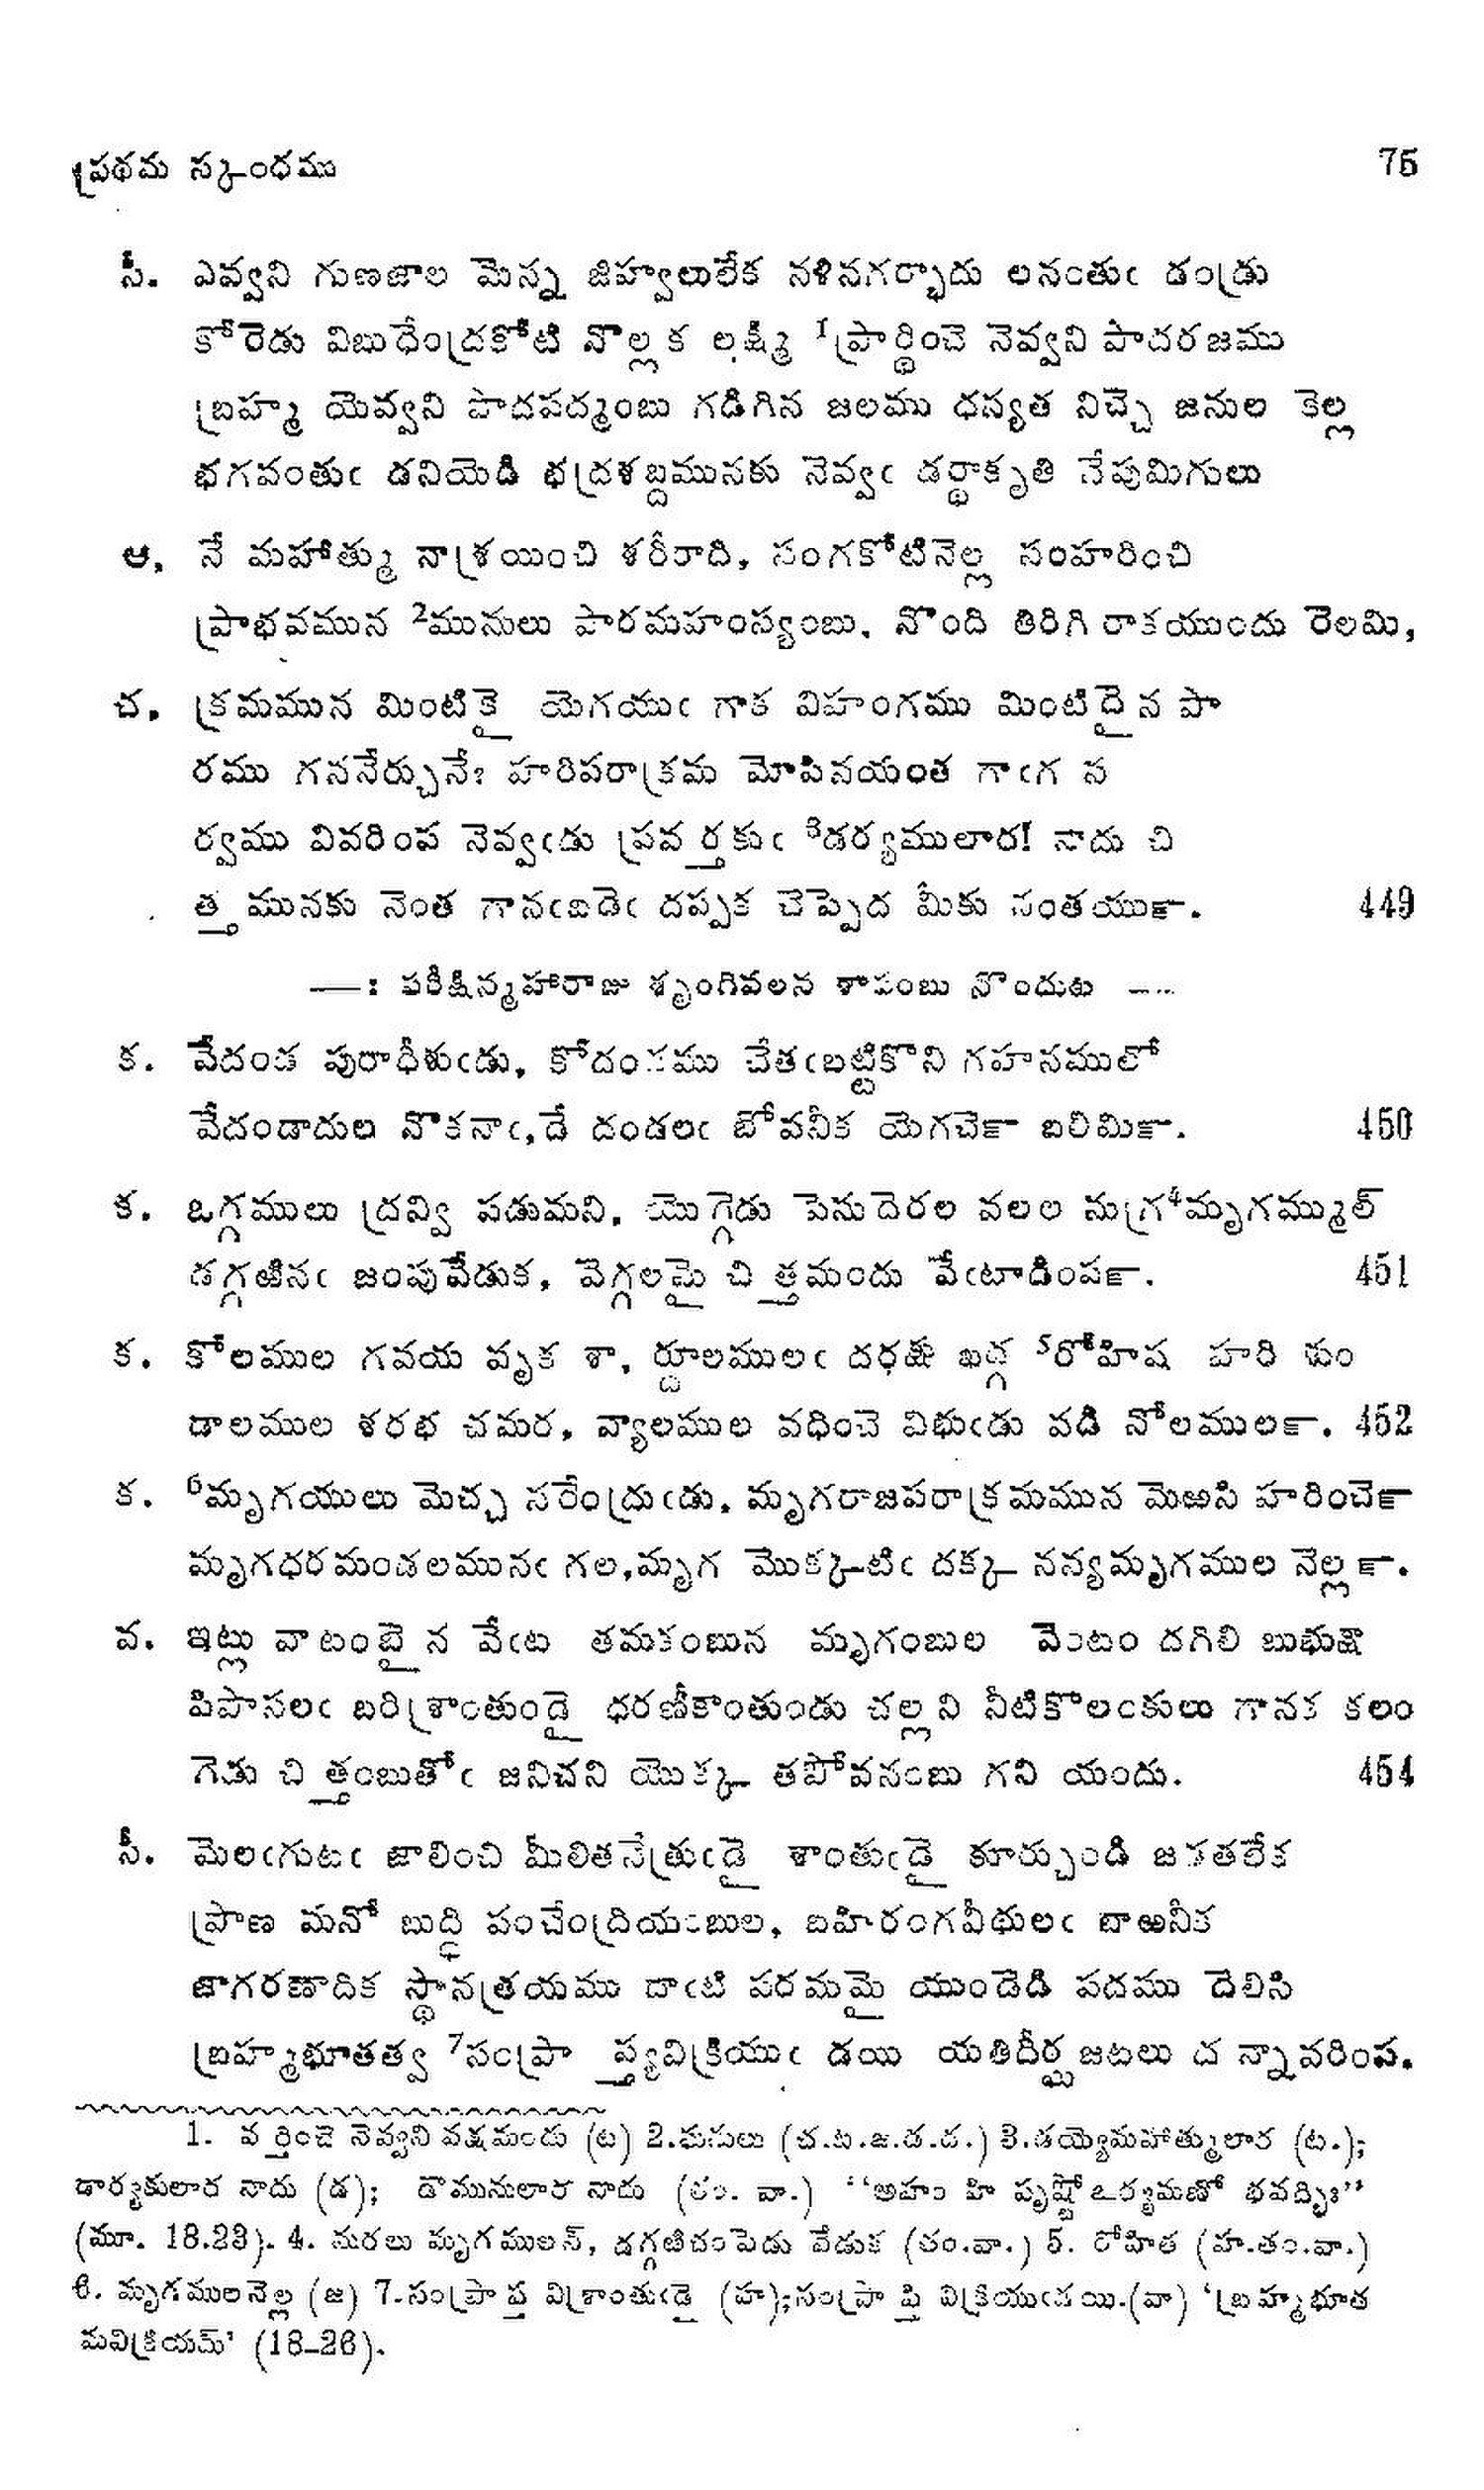75

సీ. ఎవ్వని గుణజాల మెన్న జుహ్వలులేక నళినగర్భదు లనంతుఁ డుండ్రు

కోరెడు విబుధేంద్రకోతి నొల్లక లక్ష్మి ప్రార్థంచె నెవ్వని పాదరజము

బ్రమ్హ యెవ్వని పాదపద్మంబు గడిగిన జలము ధన్యత నిచ్చె నుల కెల్ల

భగవంతుఁ డనియెడి భద్రశబ్దమునకు నెవ్వఁ డర్థకతి నేపుమిగులు

ఆ. నే మహాత్ము నాశ్రయించి శరీరాది, సంగకోటినెల్ల సంహరించి

ప్రాభవమున మునుల పారమహంస్యంబు, నొంది తిరిగి రాకయుందు రెలమి. (448)

చ. క్రమమున మింటికై యెగయుఁ గాక విహంగము మింటిదైన పా

రము గననేర్చునే ? హరిపరాక్రమ మోపినయంత గాఁగ స

ర్వము వివరింప నెవ్వఁడు ప్రవర్తకుఁ డర్యములార ! నారు చి

త్తమునకు నెంత గానఁబడెఁ దప్పక చెప్పెద మీకు నంతయున్. (449)

క. వేదండ పురాధీశుఁడు, కోదండము చేతఁబట్టికొని గహనములో

వేదండదుల నొకనాఁ , డే దండలఁ బోవనీక యెగదెన్ బలిమిన్. (450)

క. ఒగ్గములు ద్రవ్వి పడుమని, యొగ్గెడు పెనుదెరల పలల నుగ్రమృగమ్ముల్

డగ్గఱినఁ జంపువేడుక, వెగ్గలమై చిత్తమందు వేఁటాడింపన్. (451)

క. కోలముల గవయ వృక శా, ర్దూలములఁ దరక్షు ఖడ్గ రోహిష హరి శుం

డాలముల శరభ చమర, వ్యాలముల వధించె విభుఁడు వడి నోలములన్. (452)

క. మృగయుల మెచ్చ నరేంద్రుఁడు మృగరాజపరాక్రమమున మెఱసి హరించెన్

మృగధరమండలమునఁ గల, మృగ మొక్కటిఁ దక్క నన్యమృగముల నెల్లన్. (453)

వ. ఇట్లు వాటంబైన వేఁట తమకంబున మృగంబుల వెంటం దగిలి బుభుక్షా పిపాసలఁ బరిశ్రాంతుండై ధరణీకాంతుండు చల్లన నీటికొలంకులు గానక కలంగెడు చిత్తం బుతోఁ జనిచన యొక్క తపోవనంబు గని యంచు. (454)

సీ. మెలఁగుటఁ జాలించి మీలితనేత్రుఁడై శాంతుఁడై కూర్చుండి జడతలేక

ప్రాణ మనో బుద్ధి పంచేంద్రియంబుల, బహిరంగవీథులఁ బాఱనీక

జాగరణాదిక స్థానత్రయము దాఁటి పదమమై యొండెడి పదము దెలిసి

బ్రహ్మభూతత్వ సంప్రా ప్త్యవిక్రియుఁ డయి యతిదీర్ఘ జటలు ద న్నావరింప